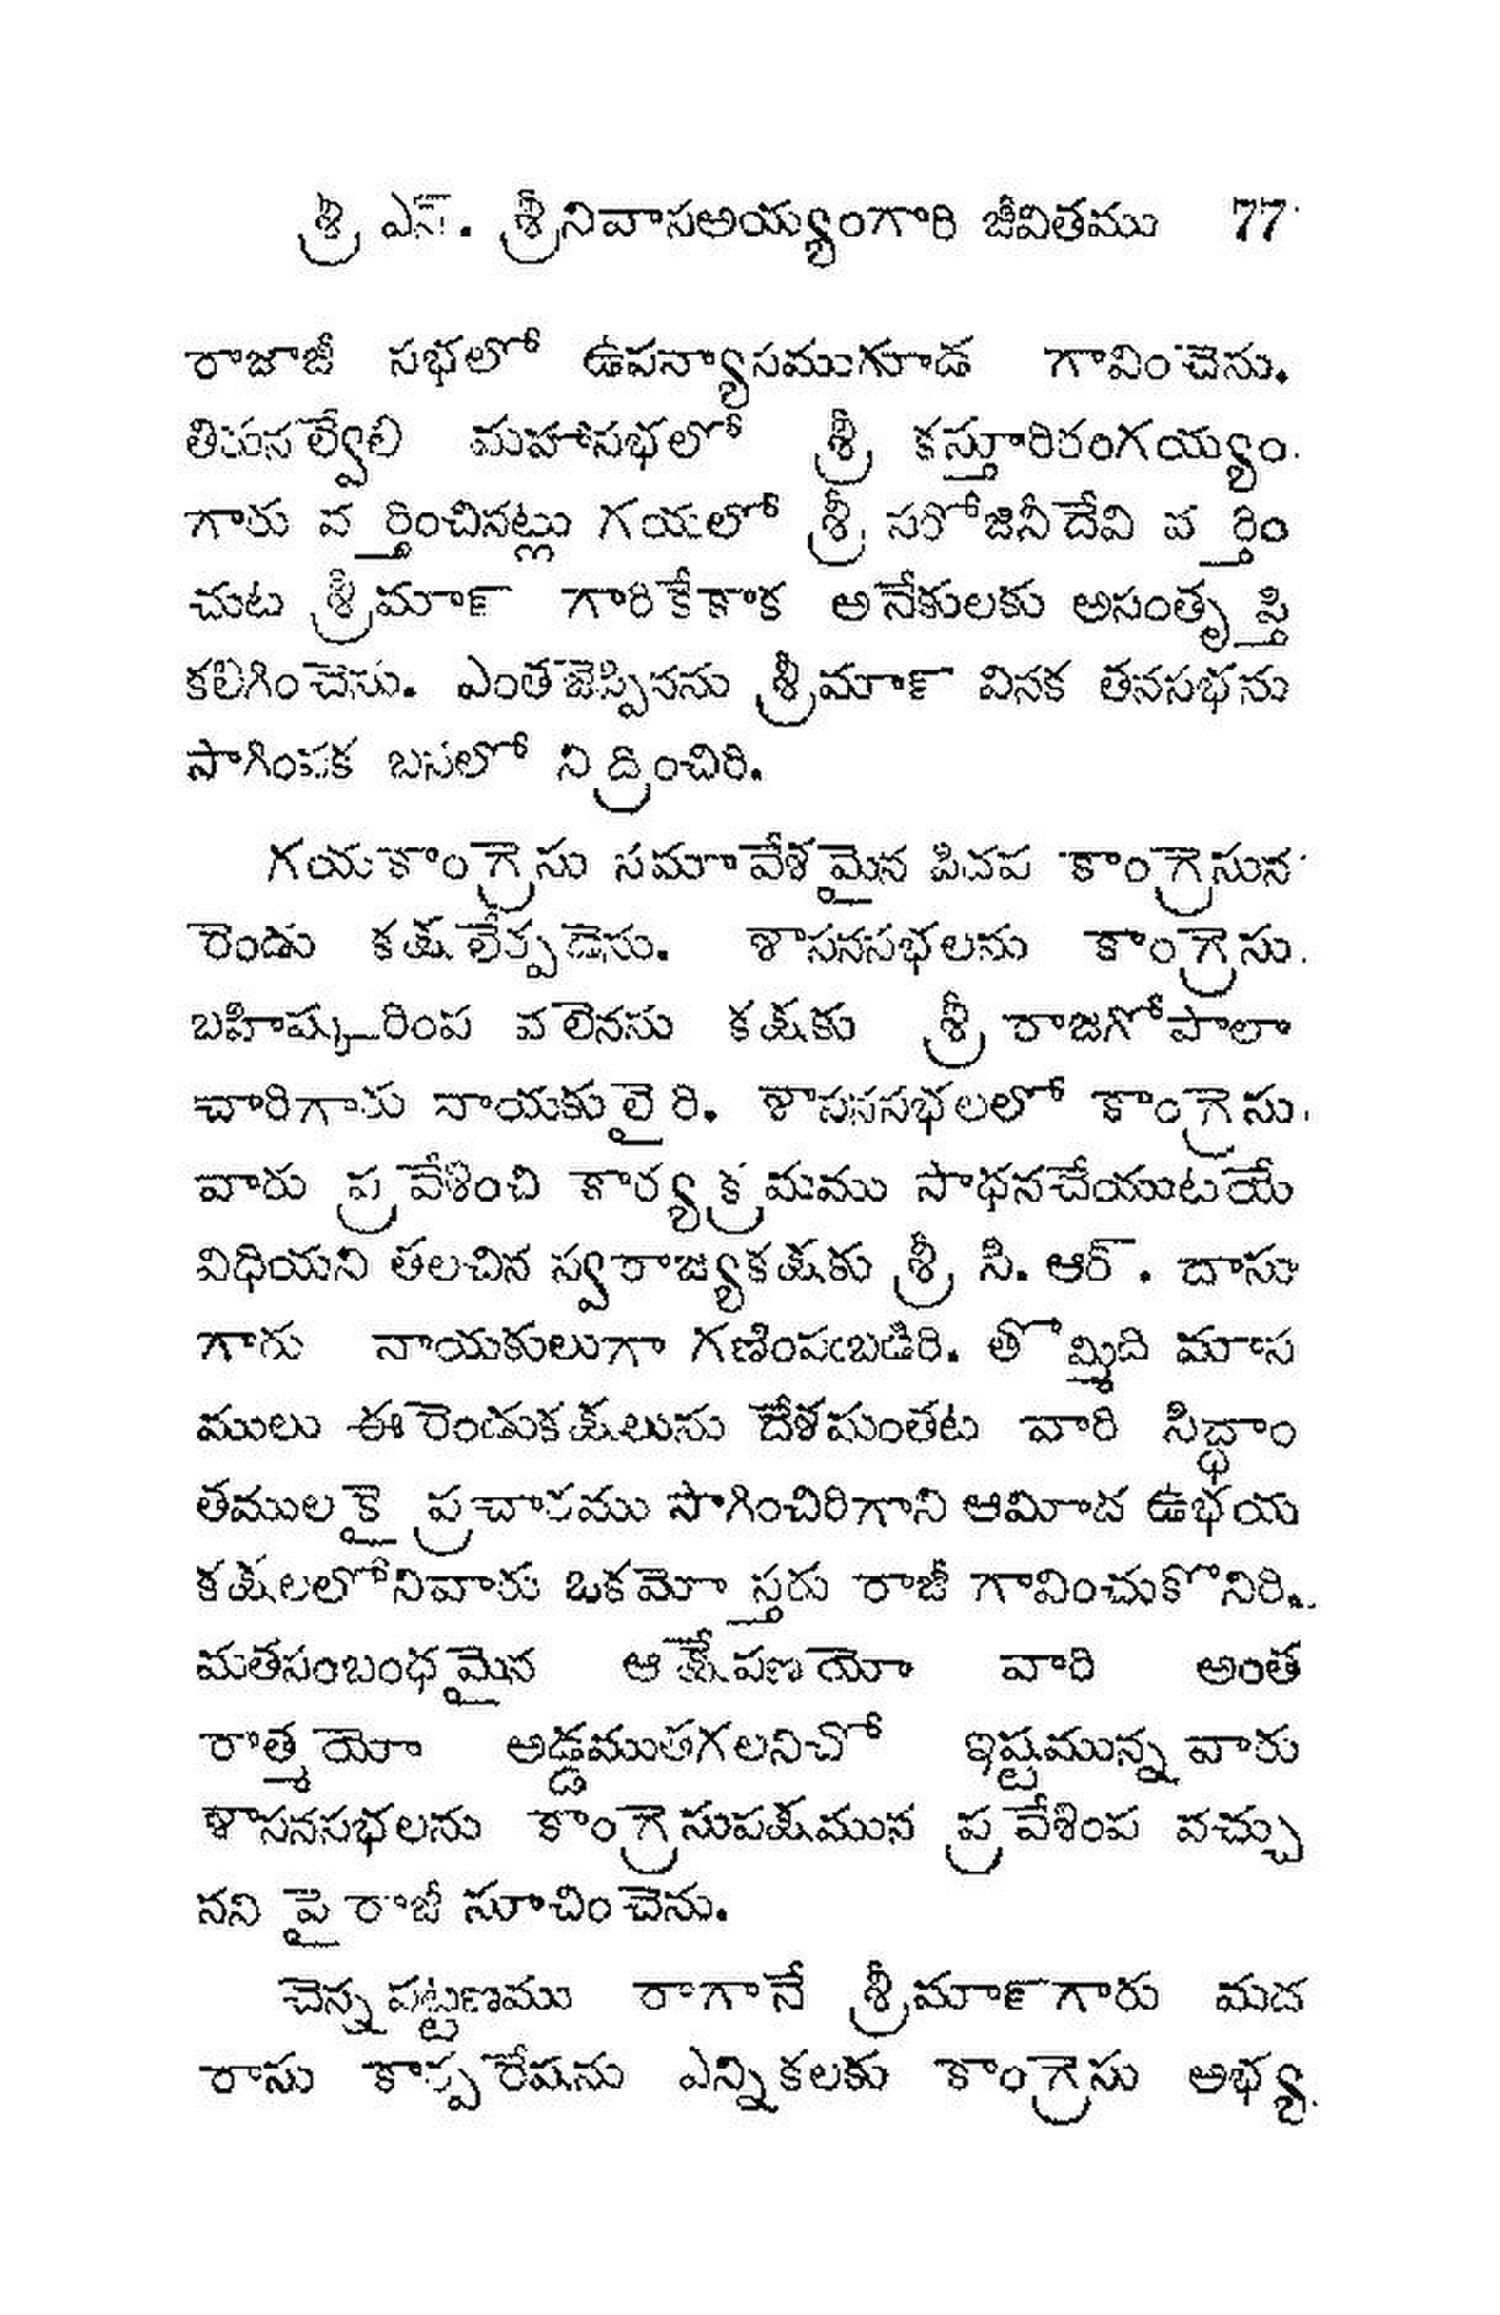రాజాజీ సభలో ఉపన్యాసముగూడ గావించెను. తిరునల్వేలి మహాసభలో శ్రీ కస్తూరిరంగయ్యం గారు వర్తించినట్లు గయలో శ్రీ సరోజినీదేవి వర్తించుట శ్రీమా౯ గారికేకాక అనేకులకు అసంతృప్తి కలిగించెను. ఎంతజెప్పినను శ్రీమా౯ వినక తనసభను సాగింపక బసలో నిద్రించిరి. 

గయకాంగ్రెసు సమావేశమైన పిదప కాంగ్రెసున రెండు కక్షలేర్పడెను. శాసనసభలను కాంగ్రెసు బహిష్కరింప వలెనసు కక్షకు శ్రీ రాజగోపాలాచారిగారు నాయకులైరి. శాసనసభలలో కాంగ్రెసువారు ప్రవేశించి కార్యక్రమము సాధనచేయుటయే విధియని తలచిన స్వరాజ్యకక్షకు శ్రీ సీ. ఆర్. దాసుగారు నాయకులుగా గణింపఁబడిరి. తొమ్మిది మాసములు ఈరెండుకక్షలును దేశమంతట వారి సిద్దాంతములకై ప్రచారము సాగించిరిగాని ఆ మీద ఉభయ కక్షలలోనివారు ఒకమోస్తరు రాజీ గావించుకొనిరి. మతసంబంధమైన ఆక్షేపణయో వారి అంతరాత్మయో అడ్డముతగలనిచో ఇష్టమున్న వారు శాసనసభలను కాంగ్రెసుపక్షమున ప్రవేశింప వచ్చునని పై రాజీ సూచించెను.

చెన్నపట్టణము రాగానే శ్రీమా౯గారు మదరాసు కార్పరేషను ఎన్నికలకు కాంగ్రెసు అభ్య